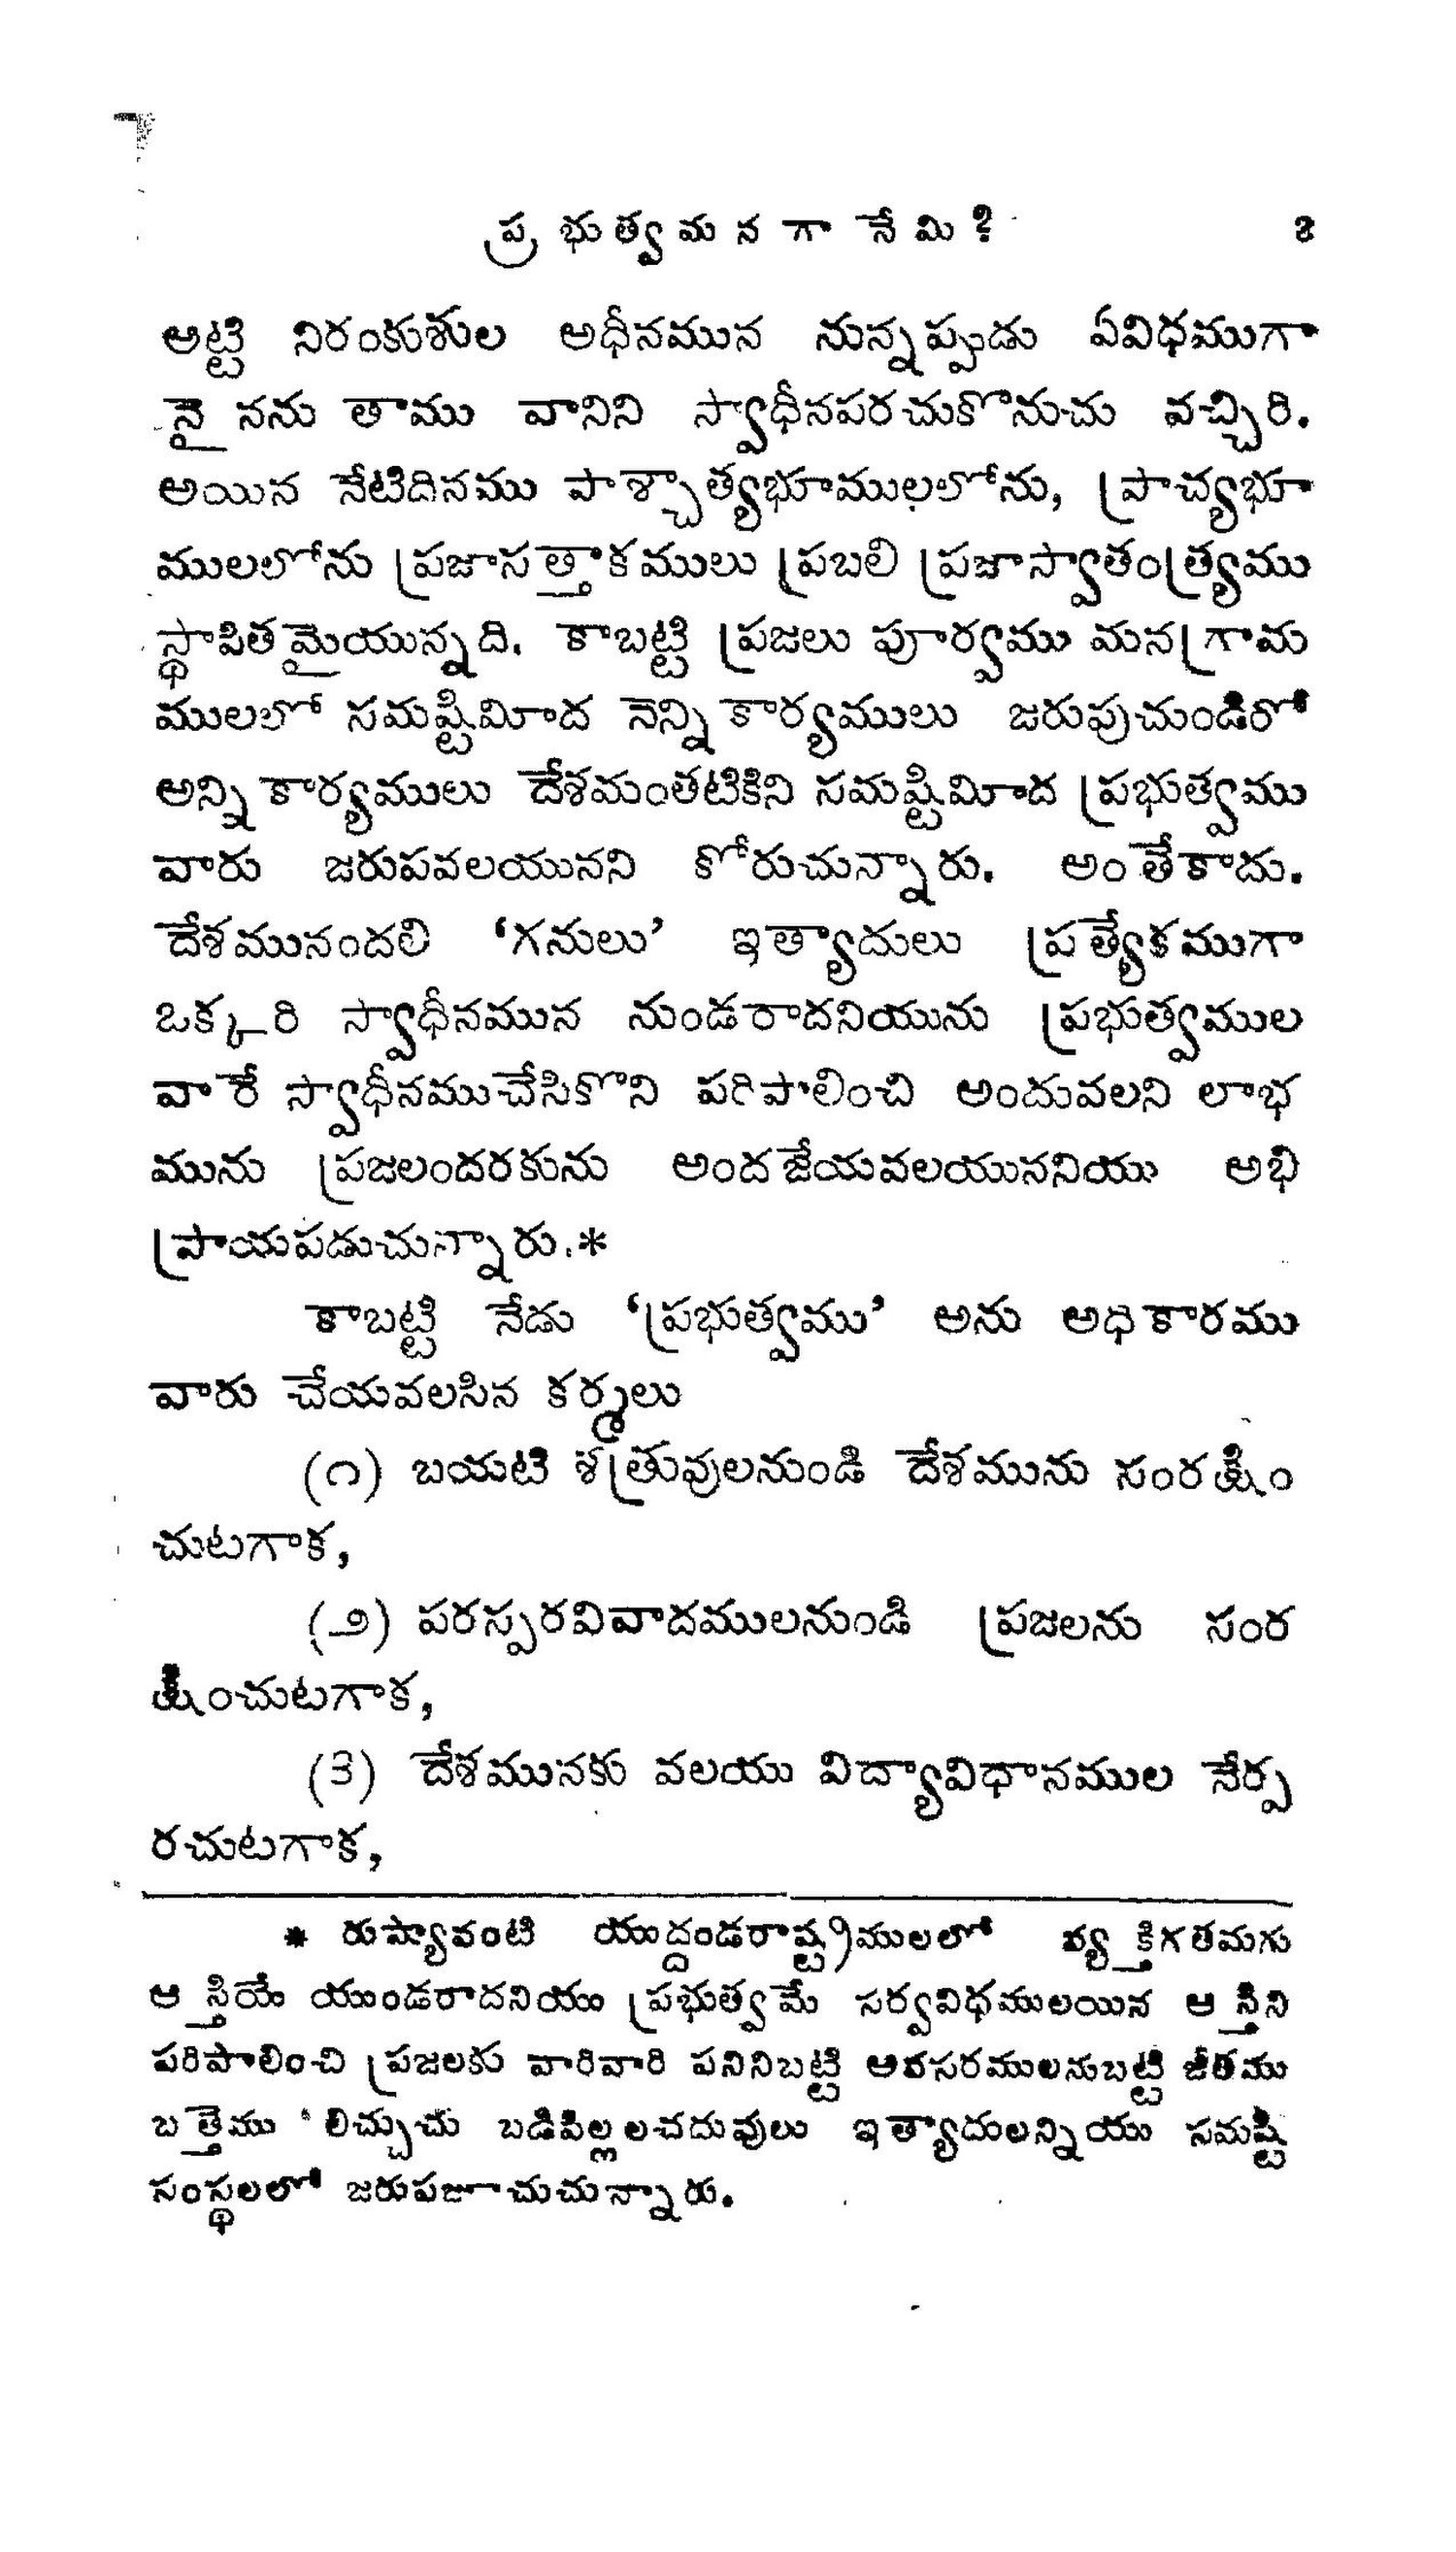అట్టి నిరంకుశుల అధీనమున నున్నప్పుడు ఏవిధముగానైనను తాము వానిని స్వాధీనపరచుకొనుచు వచ్చిరి. అయిన నేటిదినము పాశ్చాత్యభూములలోను, ప్రాచ్యభూములలోను ప్రజాసత్తాకములు ప్రబలి ప్రజాస్వాతంత్ర్యము స్థాపితమైయున్నది. కాబట్టి ప్రజలు పూర్వము మనగ్రామములలో సమష్టిమీద నెన్ని కార్యములు జరుపుచుండిరో అన్ని కార్యములు దేశమంతటికిని సమష్టిమీద ప్రభుత్వమువారు జరుపవలయునని కోరుచున్నారు. అంతేకాదు. దేశమునందలి 'గనులు' ఇత్యాదులు ప్రత్యేకముగా
ఒక్కరి స్వాధీనమున నుండరాదనియును ప్రభుత్వములవారే స్వాధీనముచేసికొని పరిపాలించి అందువలని లాభమును ప్రజలందరకును అందజేయవలయుననియు అభిప్రాయపడుచున్నారు.

కాబట్టి నేడు 'ప్రభుత్వము' అను అధికారమువారు చేయవలసిన కర్మలు

(1) బయటి శత్రువులనుండి దేశమును సంరక్షించుటగాక,

(2) పరస్పరవివాదములనుండి ప్రజలను సంరక్షించుటగాక,

(3) దేశమునకు వలయు విద్యావిధానముల నేర్పరచుటగాక,